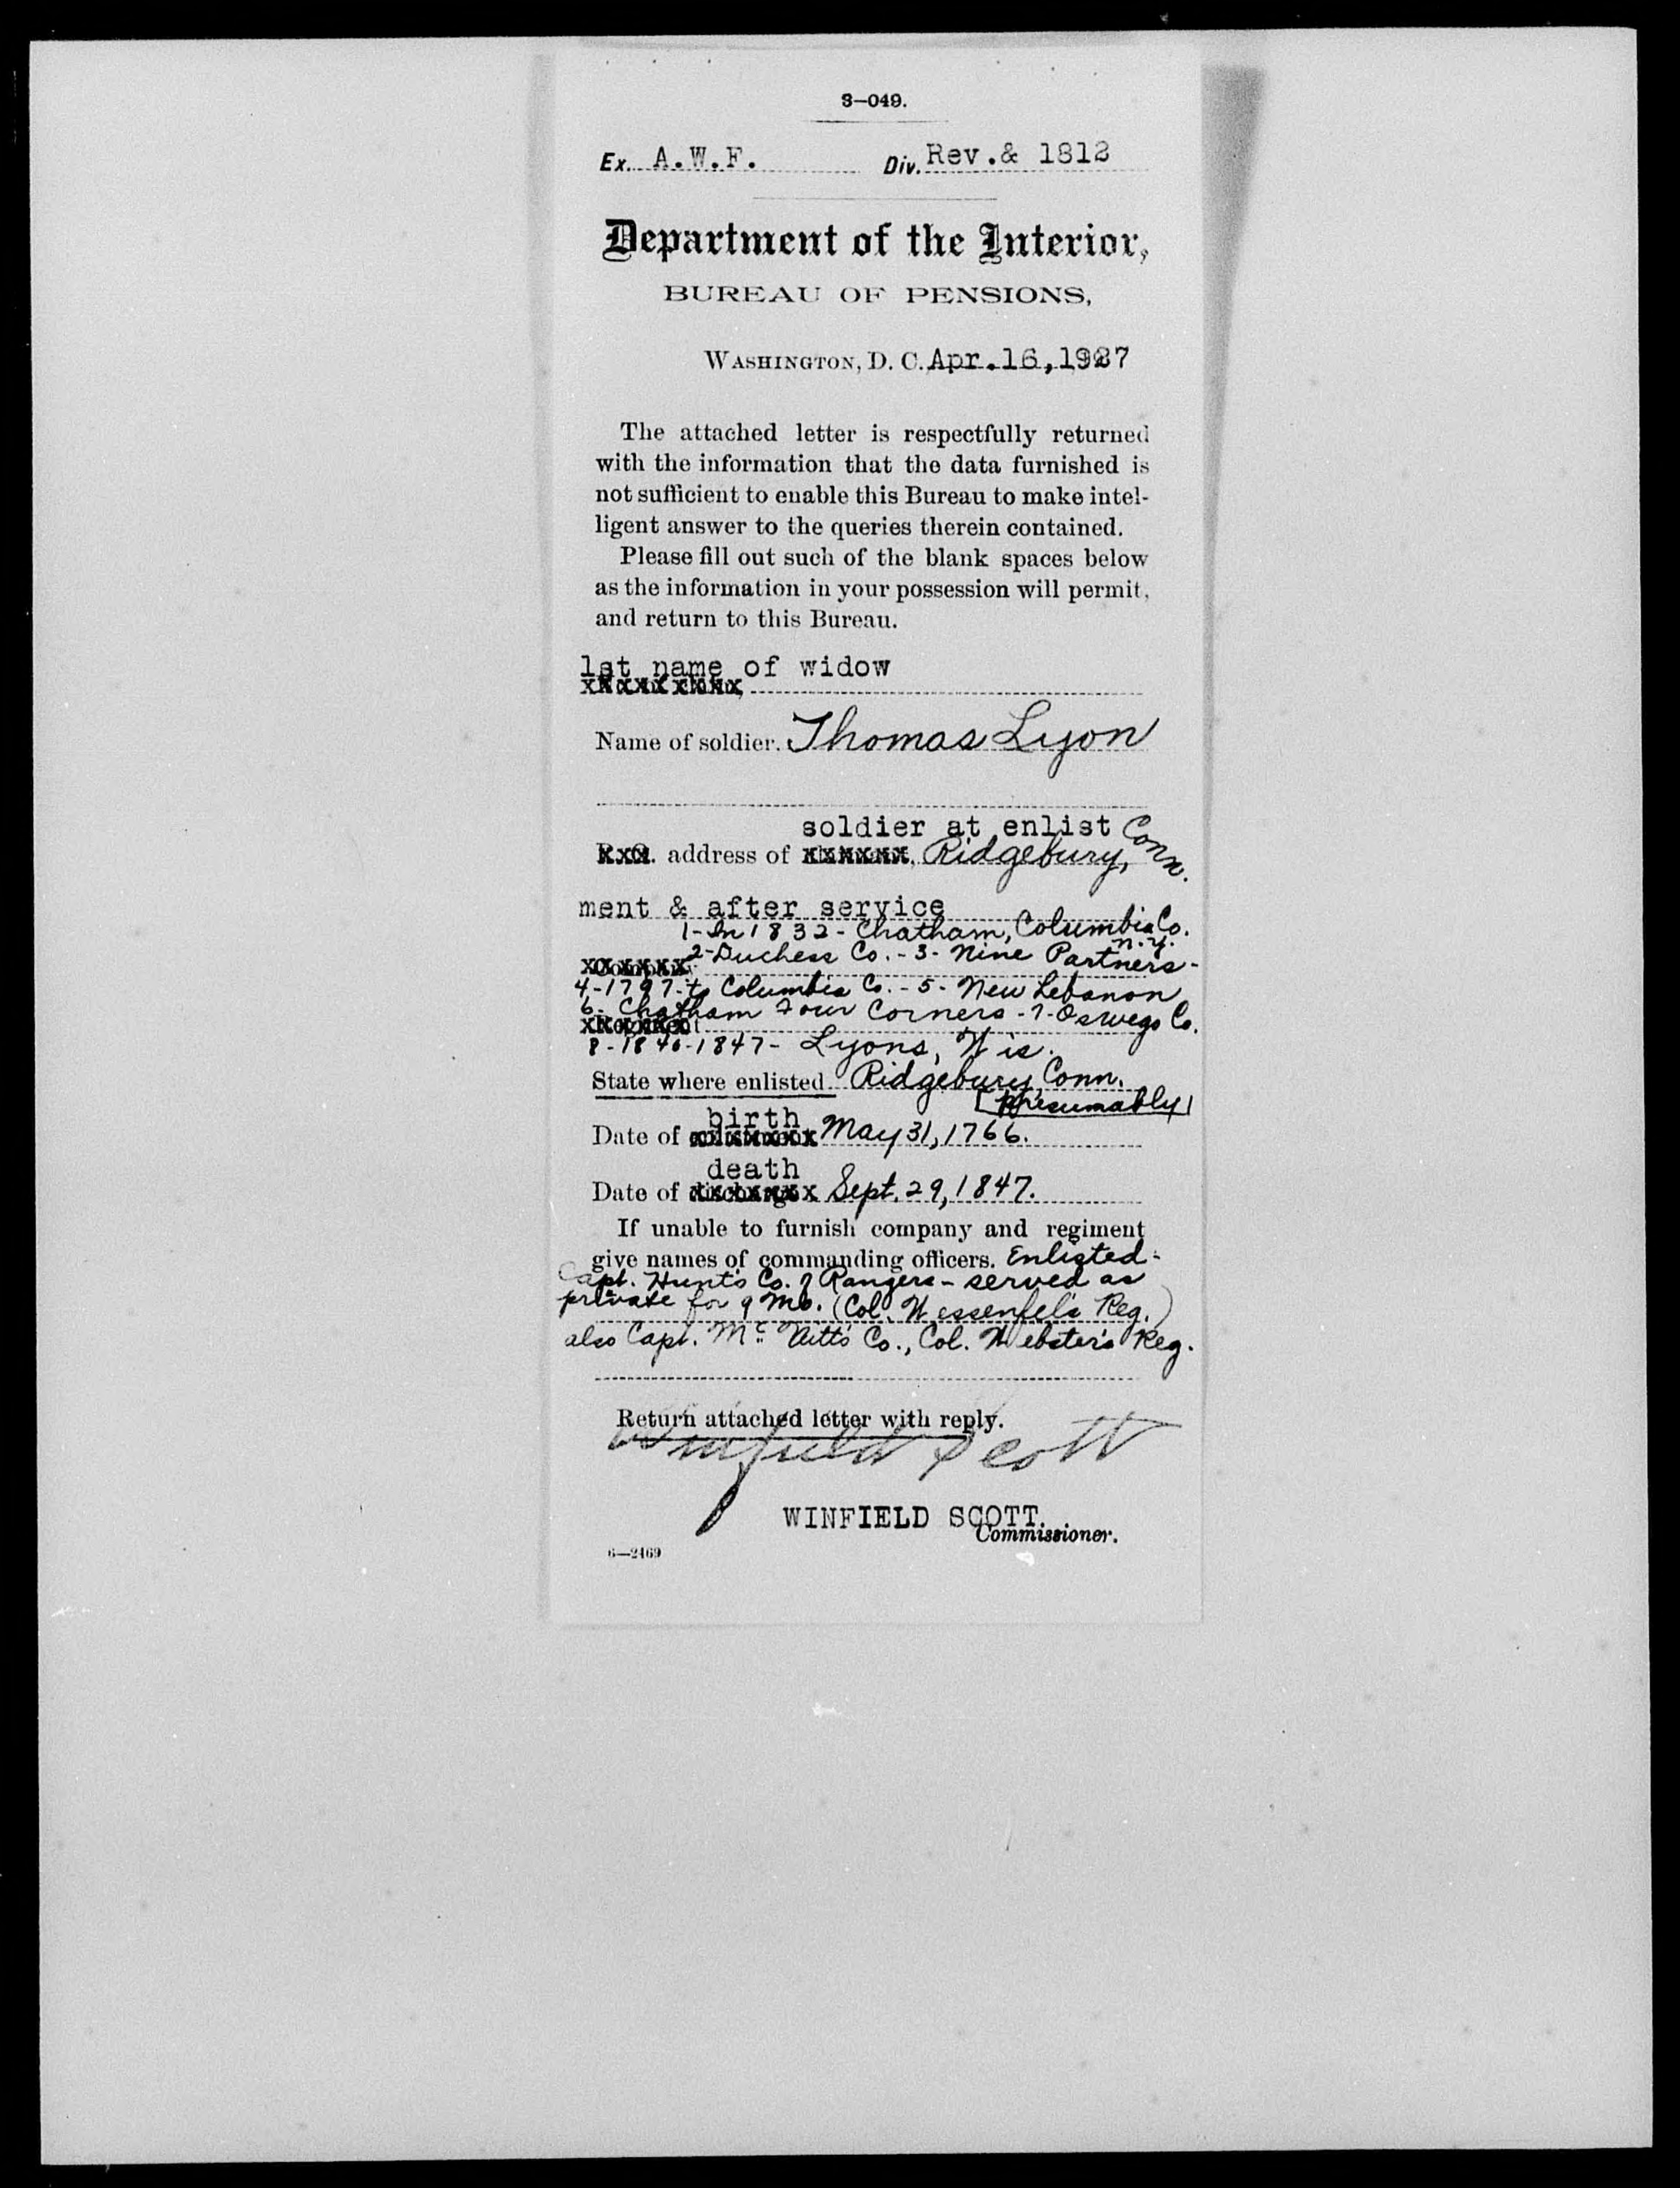9 -- 049.

Ex. A. W. F.   Dir Rev. & 1812
---
Department of the Interior,
BUREAU OF PENSIONS.
WASHINGTON, D. C. Apr. 16, 1927
The attached letter is respectfully returned with the information that the data furnished is not sufficient to enable this Bureau to make intelligent answer to the queries therein contained.
Please fill out such of the blank spaces below
as the information in your possession will permit, and return to this Bureau.

1st name of widow
Name of soldier. Thomas Lyon
address of soldier at enlistment & after service. Ridgebury, Conn.
1- In 1832- Chatham, Columbia Co. N.Y.
2- Duchess Co. - 3- Nine Partners
4 - 1797. Columbia Co. - 5- New Lebanon
6- Chatham Four Corners - 7- Oswego Co. 
8 - 1840- 1847. Lyons, Wis.
State where enlisted, Ridgebury Conn. presumably
Date of Birth May 31, 1766
Date of death Sept. 29, 1847.
If unable to furnish company and regiment
give names of commanding officers, enlisted
in Capt. Hunt's Co. of Rangers - served as
private for 9 mo. (Col Wessenhel's Reg.)
also Capt. McNutt Co. Col. Websters Reg.
Return attached letter with reply.
[sig]Winfield Scott
WINFIELD SCOTT
Commissioner
6 -- 2469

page: 12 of 28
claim: survivor's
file: S. 21,872, for Thomas Lyon, New York